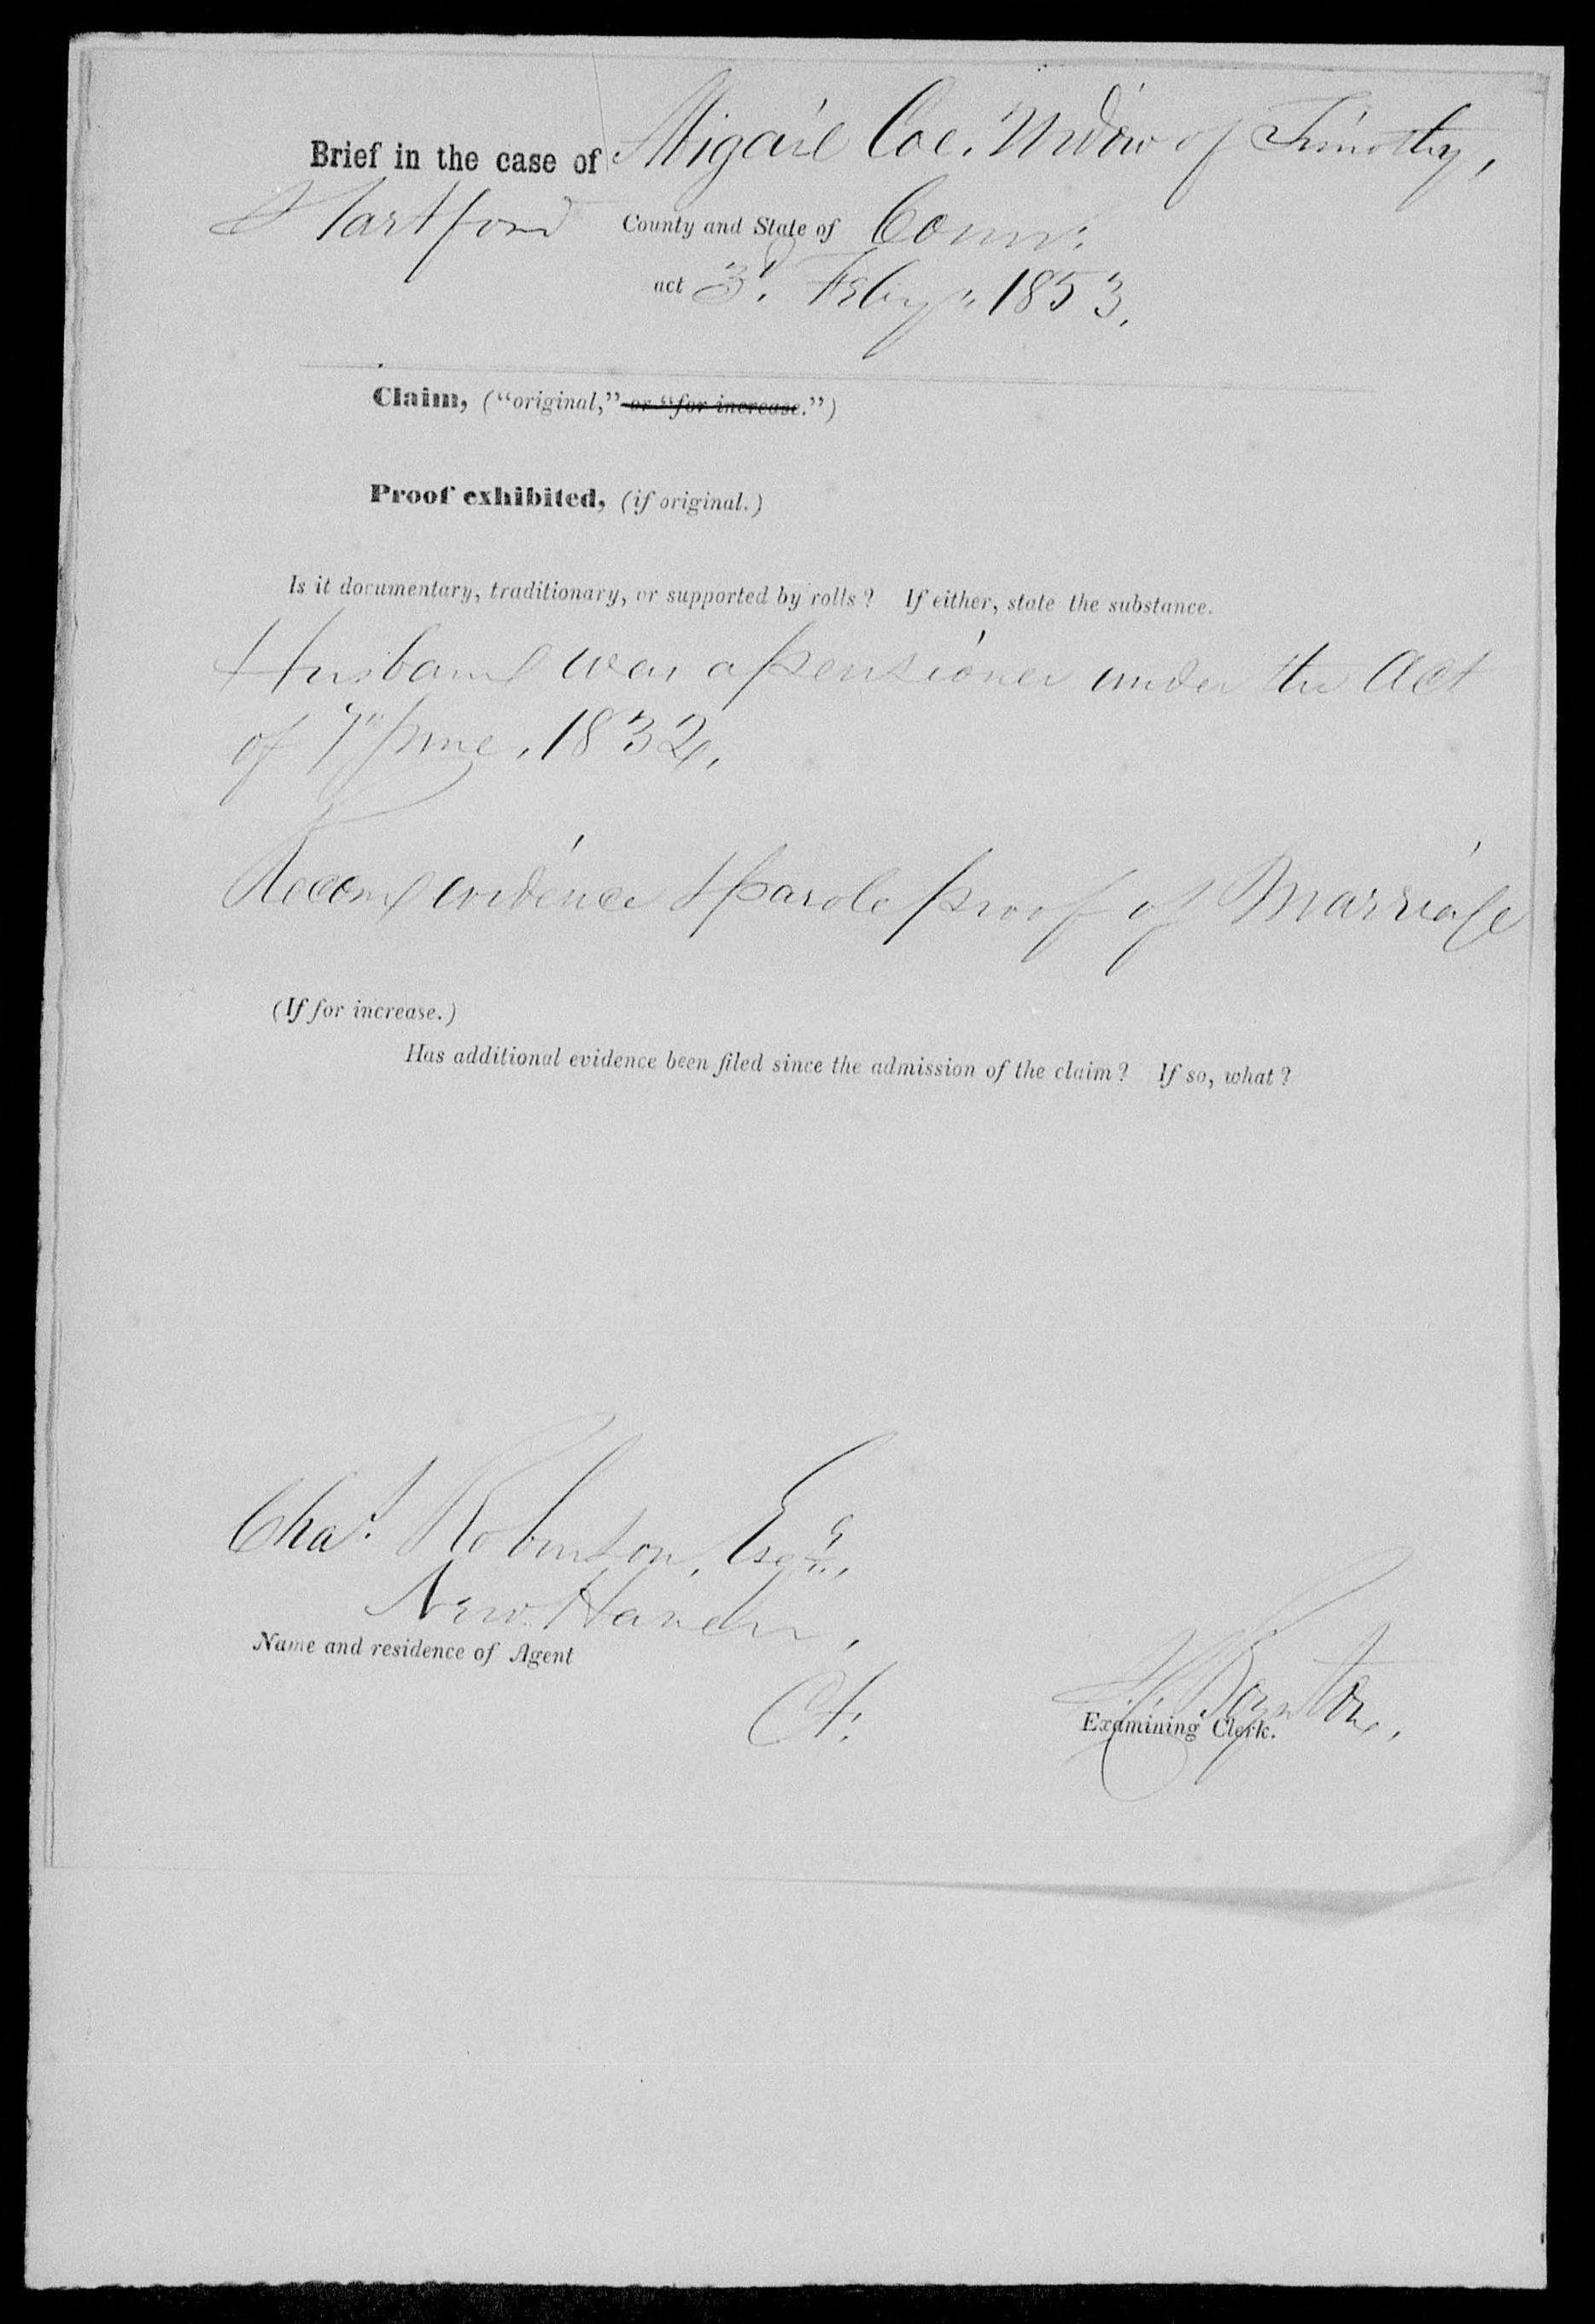Brief in the case of Abigail Coe, Widow of Timothy
Hartford County and State of Conn
act 3 Feby, 1853,
Hartford
Claim, ("original", or "for increase.")
Proof exhibited, (if original.)
Is it documentary, traditionary, or supported by rolls? If either, state the substance
Husband was a pensioner under the act
of 7th June, 1832
Record evidence & parole proof of Marriage
(If for increase.)
Has additional evidence been filed since the admission of the claim? If so, what?
Chas Robinson, Esq,
New Haven
Name and residence of Agent
Cf:
J.C. Boynton,
Examining Clerk.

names: Abigail Coe, Chas Robinson, Timothy Coe, H Boynton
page: 14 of 76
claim: widow's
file: W. 5,250, Timothy Coe, Conn.